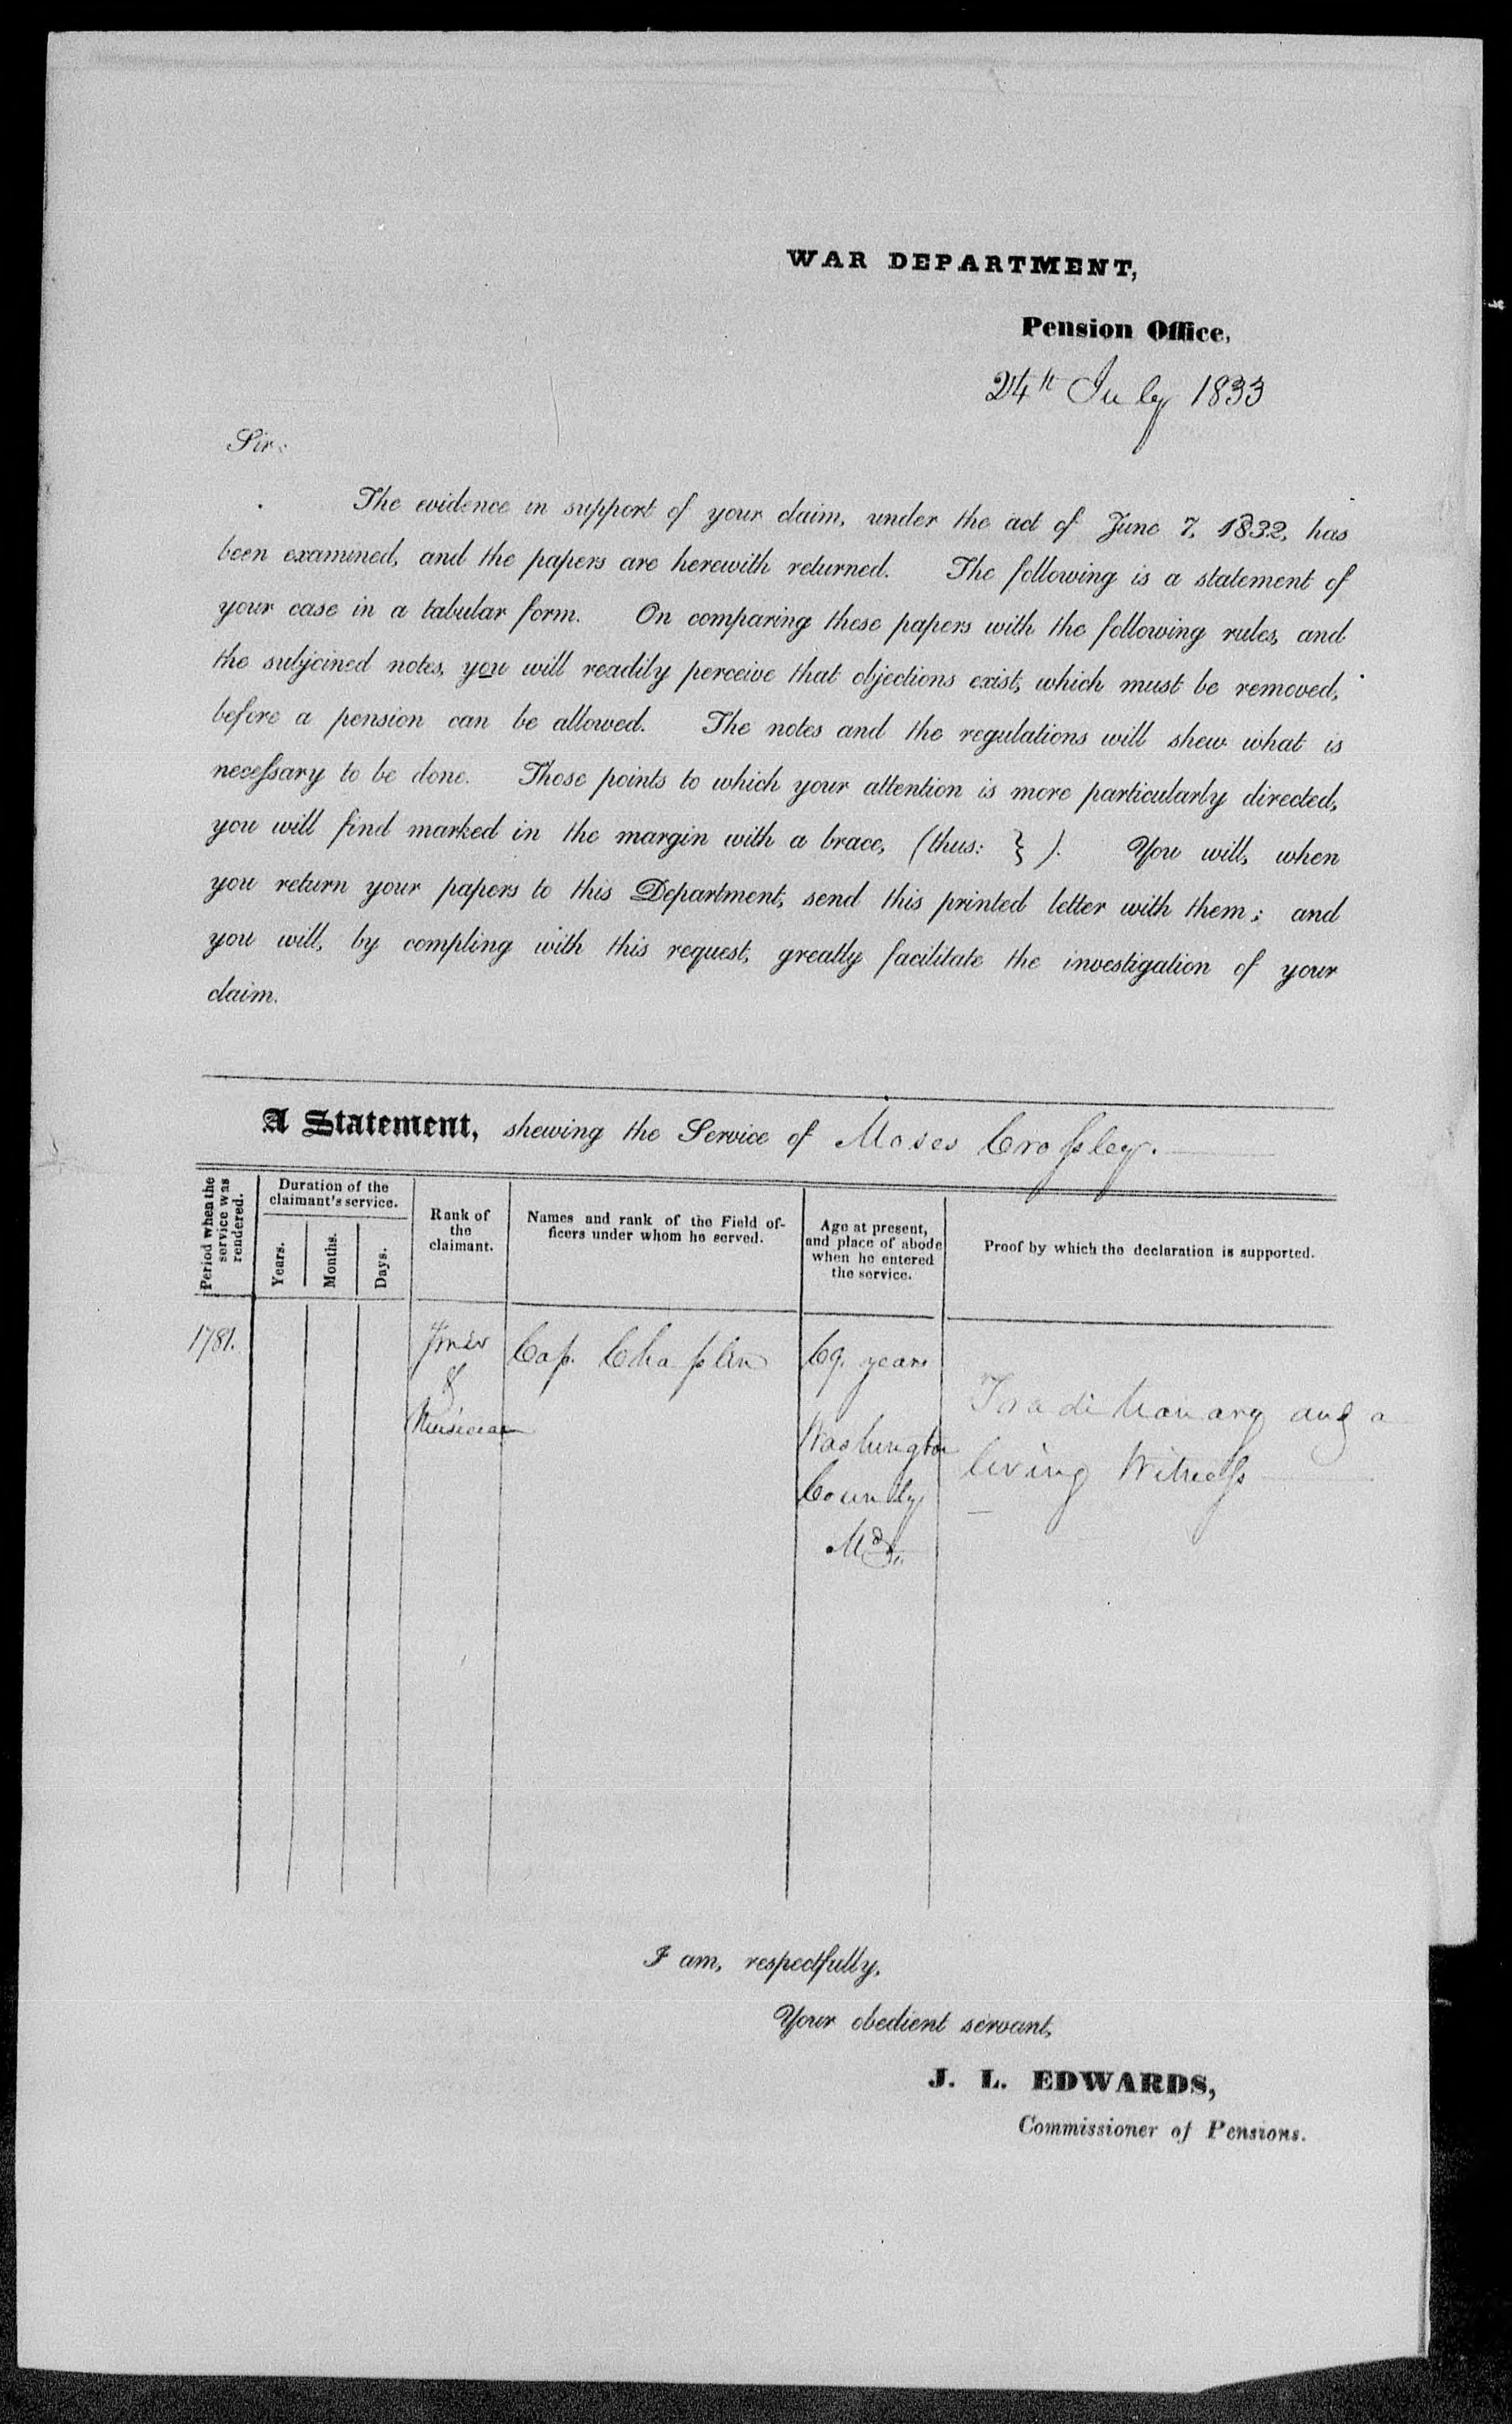WAR DEPARTMENT.
Pension Office,
24th July 1833

Sir:
The evidence in support of your claim, under the act of June 7, 1832, has
been examined, and the papers are herewith returned. The following is a statement of
your case in a tabular form. On comparing these papers with the following rules, and
the subjoined notes, you will readily perceive that objections exist, which must be removed,
before a pension can be allowed. The notes and the regulations will shew what is
necessary to be done. Those points to which your attention is more particularly directed,
you will find marked in the margin with a brace, (thus: }). You will, when
you return your papers to this Department, send this printed letter with them; and
you will, by complying with this request, greatly facilitate the investigation of your
claim.

A Statement, showing the service of Moses Crossley
Period when the
rendered.
1781.

Duration of the
claimant's service.
Years/Months/Days

Rank of
the
claimant.
Joiner 
& 
Musician

Names and rank of the Field officers
under whom he served.
Cap. Chaplin

Age at present,
and place of abode
when he entered
the service.
69 years
Washington
County
Md

Proof by which the declaration is supported.
Traditionary and a
living Witness

I am, respectfully
Your obedient servant,
J. L. EDWARDS,
Commissioner of Pensions.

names: Chaplin, Moses Crossley, J L Edwards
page: 9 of 37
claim: rejected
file: R. 2516, Moses Crosley, Md.